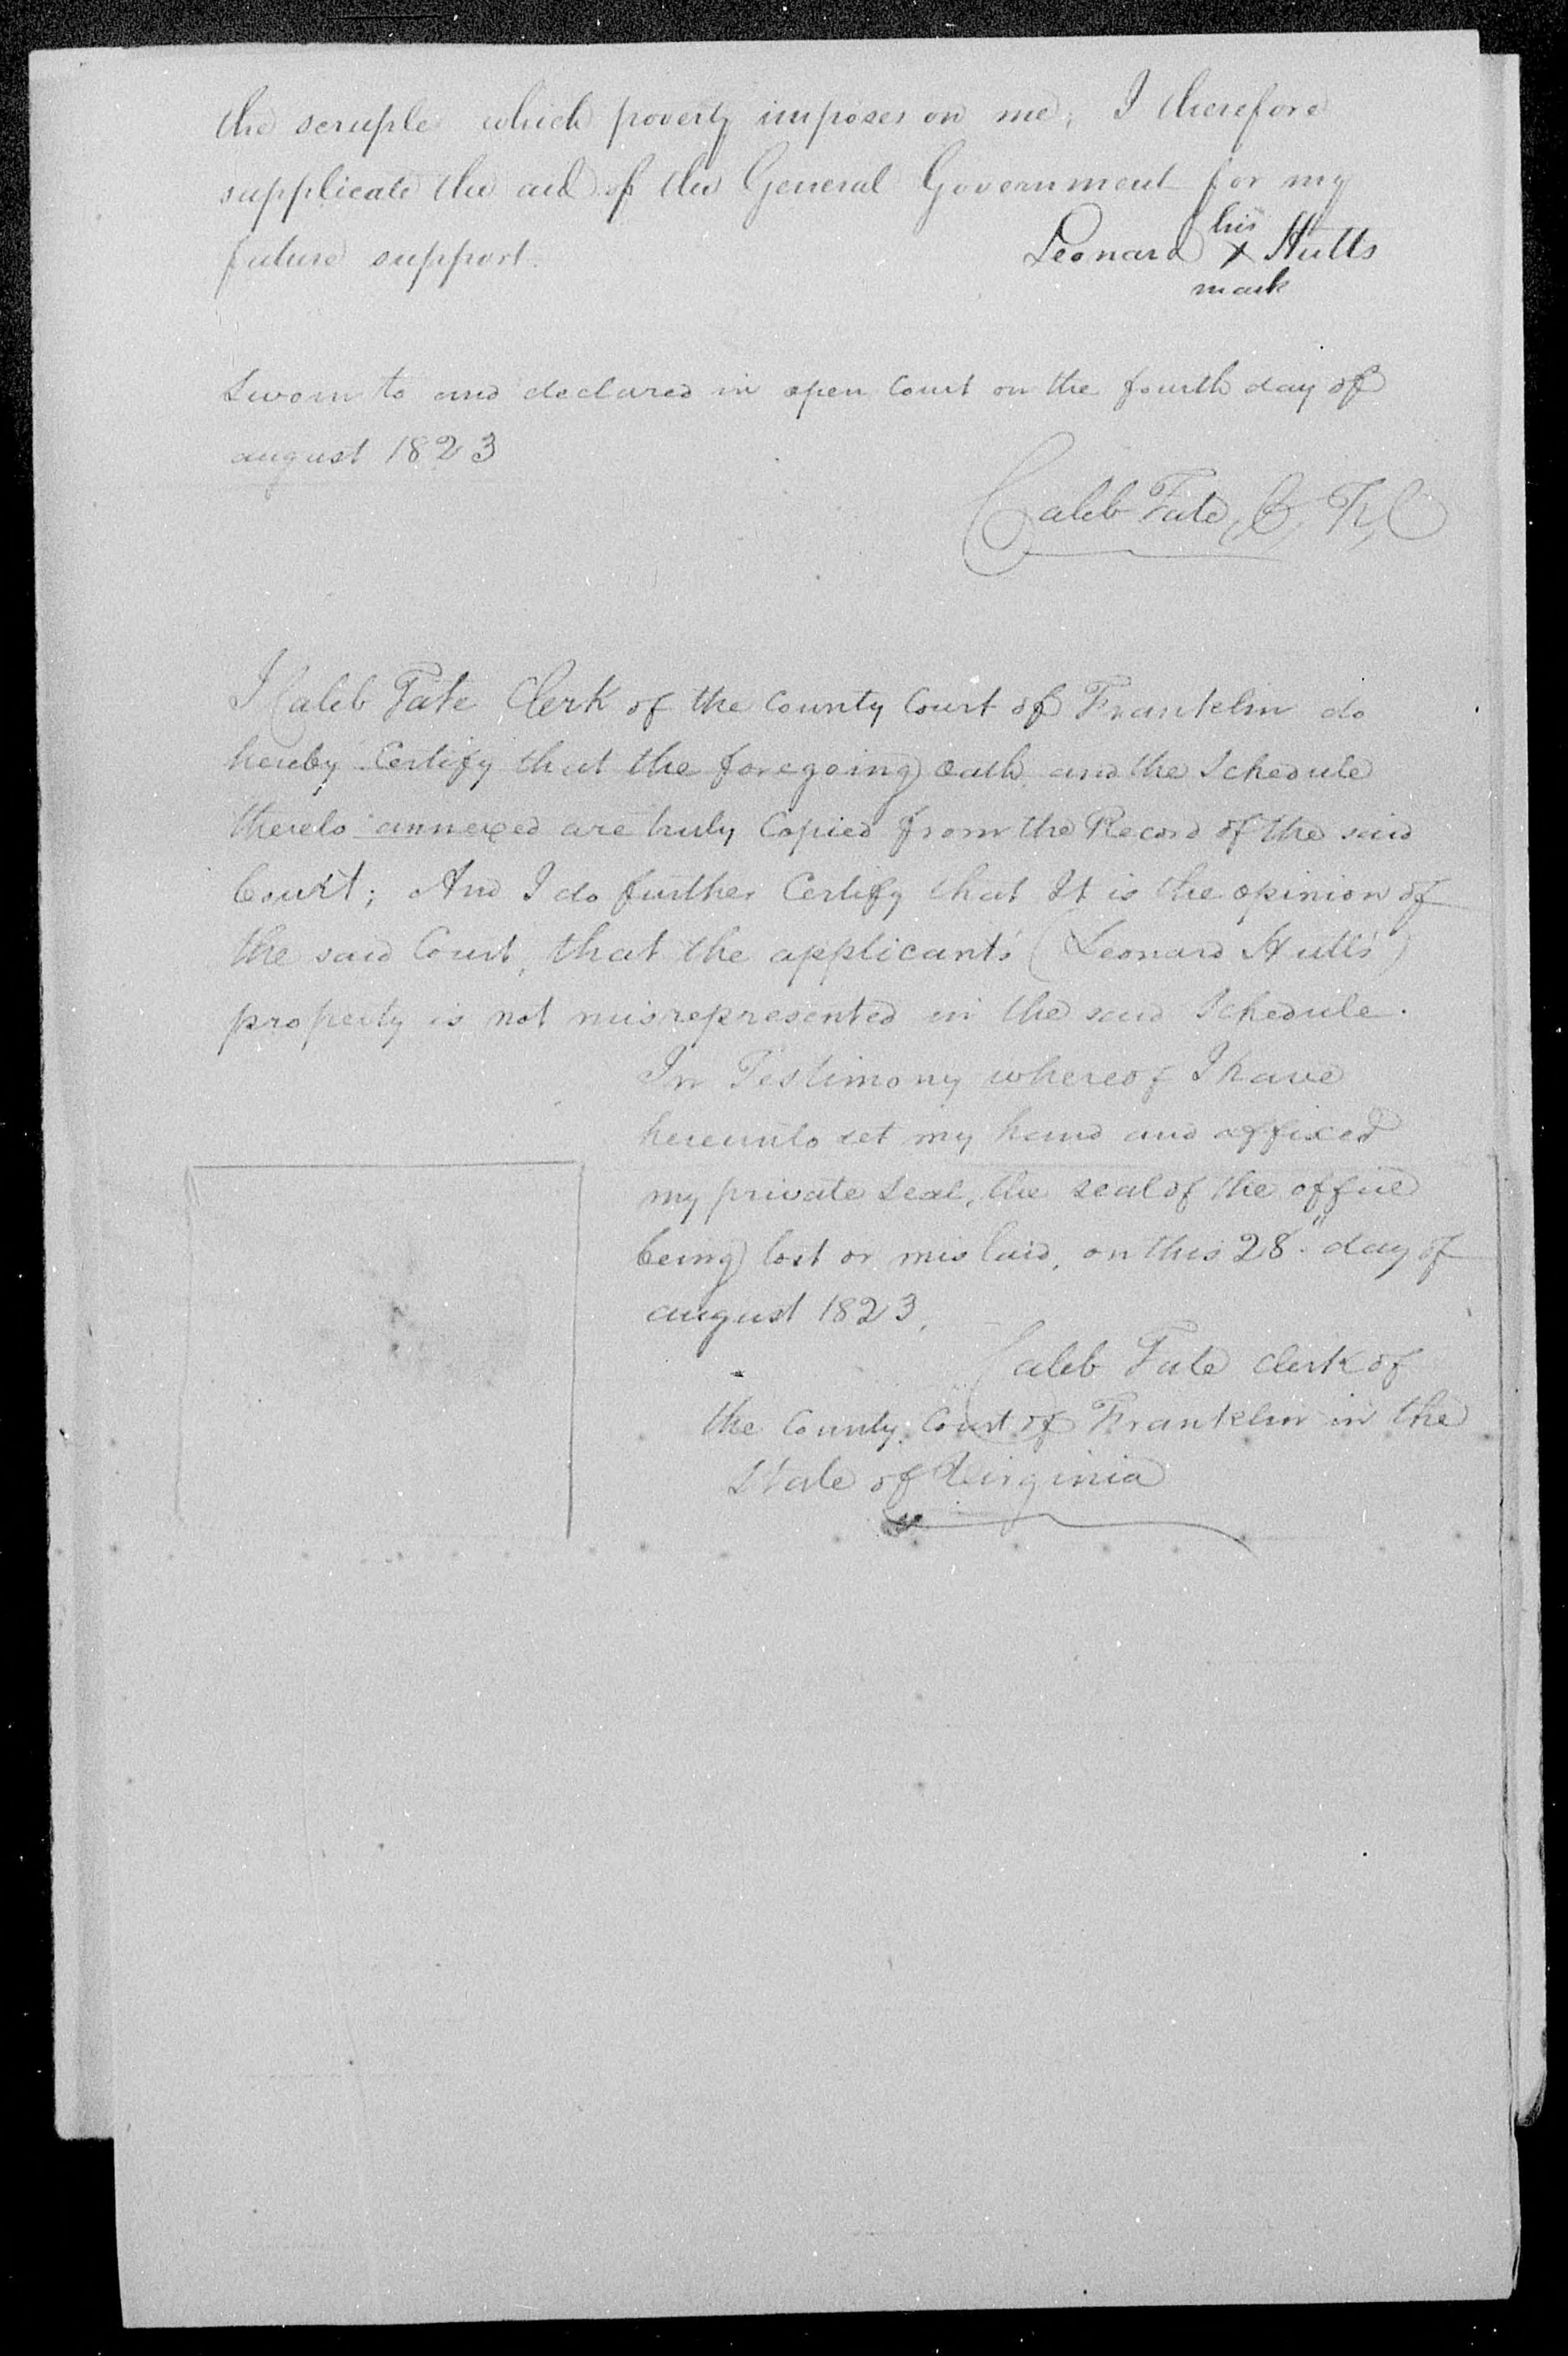the scruple which poverty imposes on me. I therefore supplicate the aid of the General Government for my future support. 
Leonard [his + mark] Hutts

Sworn to and declared in open court on the fourth day of August 1823.
Caleb Tate Clk

I Caleb Tate Clerk of the County Court of Franklin do hereby certify that the foregoing oath and the Schedule thereto annexed are hereby copied from the Record of the said Court; and I do further certify that it is the opinion of the said Court that the applicant (Leonard Hutts) property is not misrepresented in the said Schedule.
In Testimony whereof I have hereunto set my and hand and affixed my private seal, the seal of the office being lost or mislaid, on this 28th day of August 1823.
Caleb Tate clerk of the County Court of Franklin in the State of Virginia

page: 15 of 33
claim: widow's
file: W. 550, for Leonard Hutts, Virginia